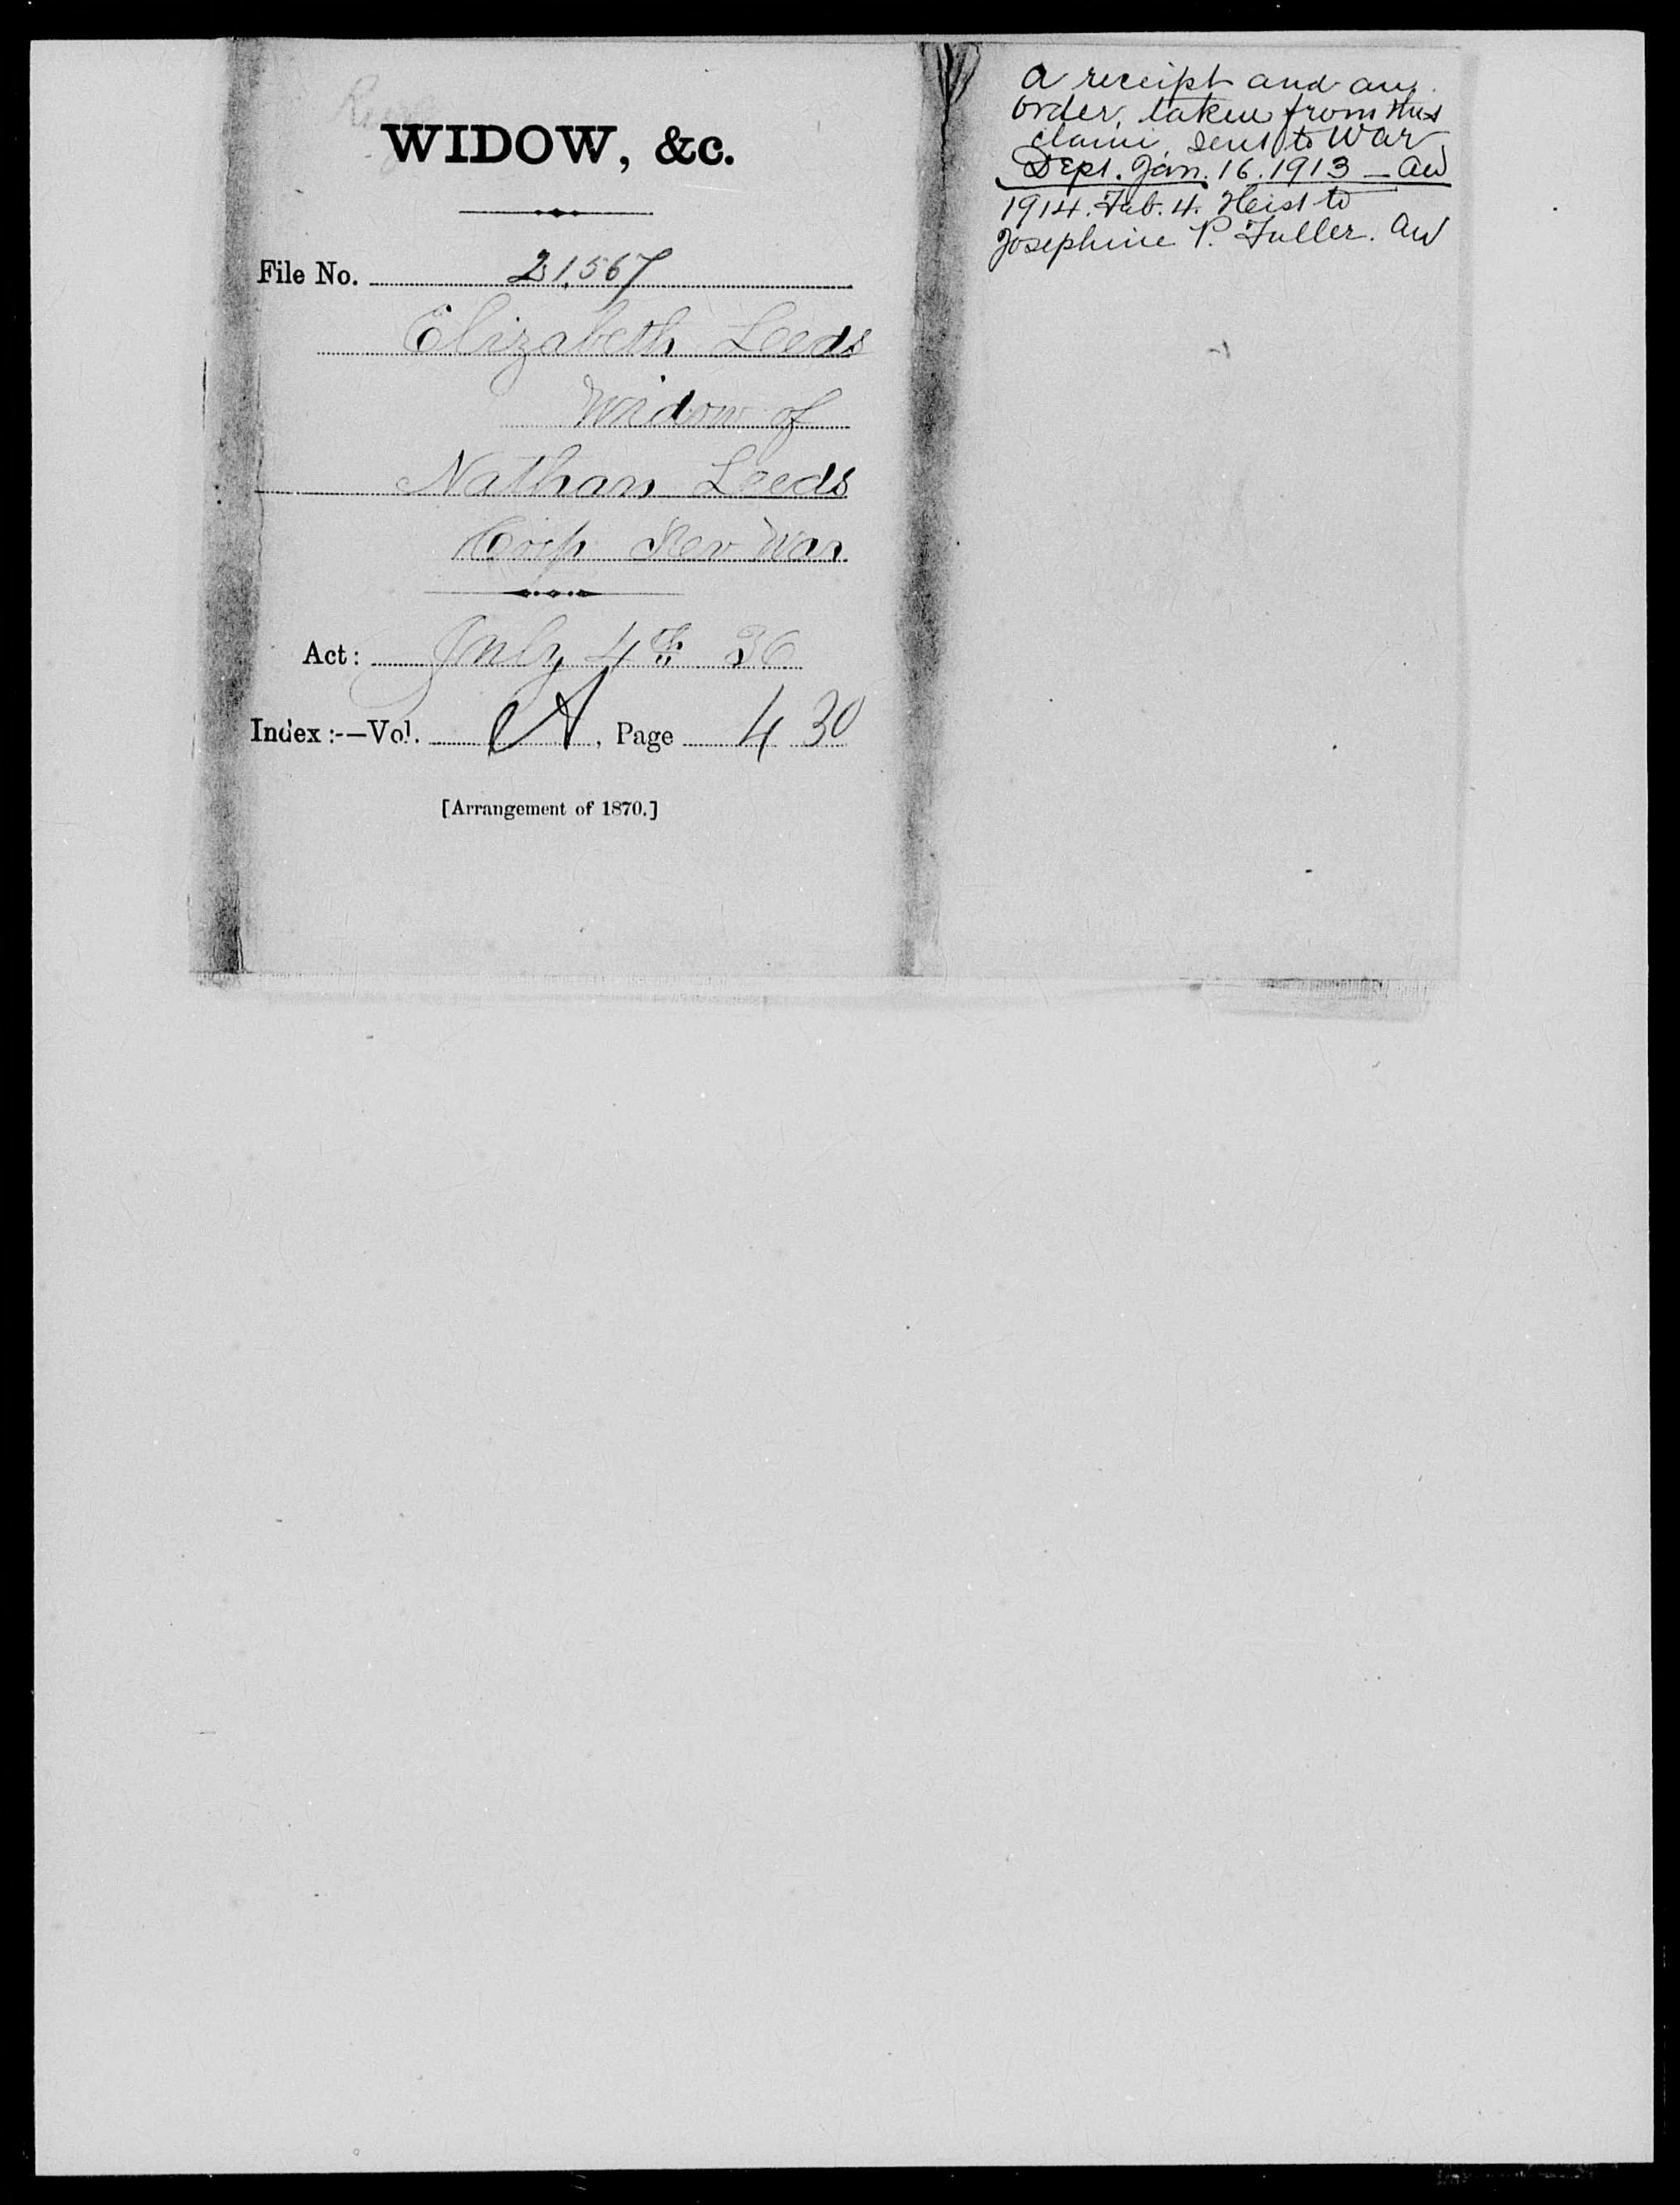Widow, &c.
File No. 21,567
Elizabeth Leeds
Widow of 
Nathan Leeds
Corp Re. War.
Act: July 4th 36
Index: Vol A, Page 430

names: Elizabeth Leeds; Nathan Leeds; Josephine P Fuller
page: 24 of 33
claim: widow's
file: W. 21,567, for Nathan Leeds, Massachusetts